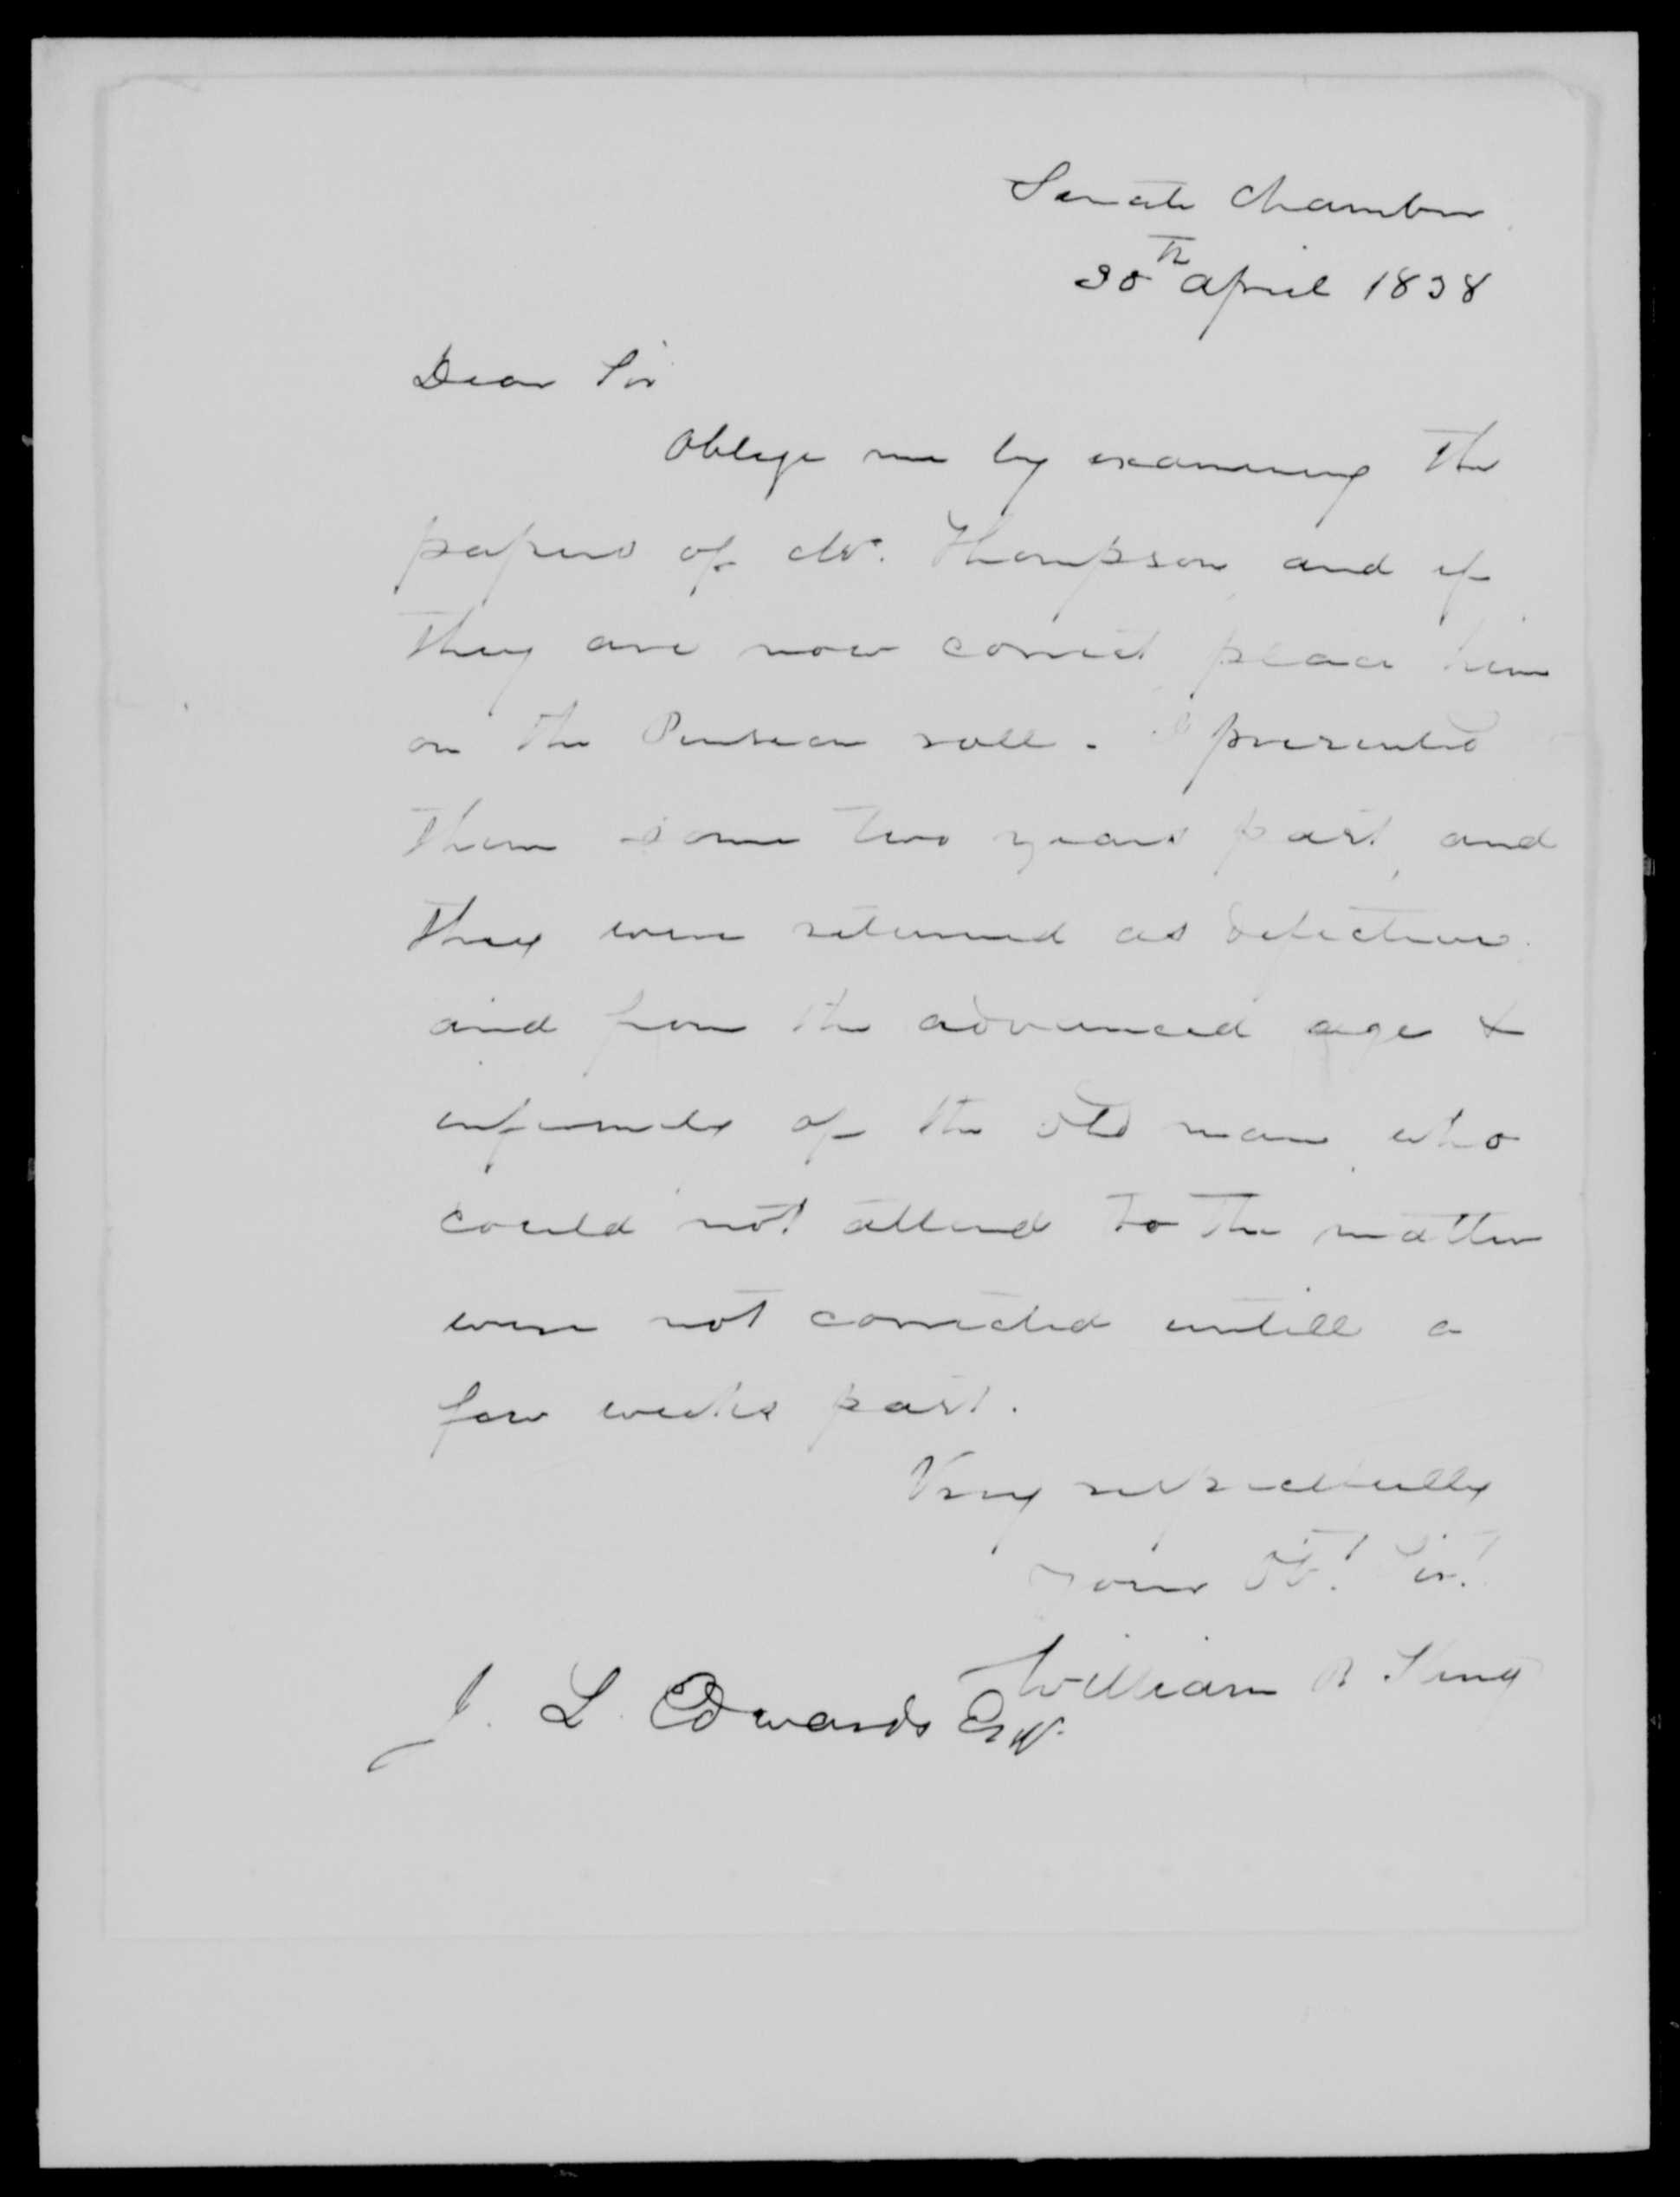Senate Chamber
30th April 1838

Dear Sir

Oblige me by examining the
papers of Mr. Thompson and if
they are now [illegible] place him
on the Pension roll. I presented
them some two years past and
they were returned as deficient
and from  advanced age &
infirmed of the old man who
could not attend to the matter
were not corrected untill 
four  weeks past.
very respectfully
Your Obt [illegible]

 William [illegible] King

J.L. Edwards Esq.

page: 15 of 16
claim: rejected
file: R. 10561, for William Thompson, South Carolina